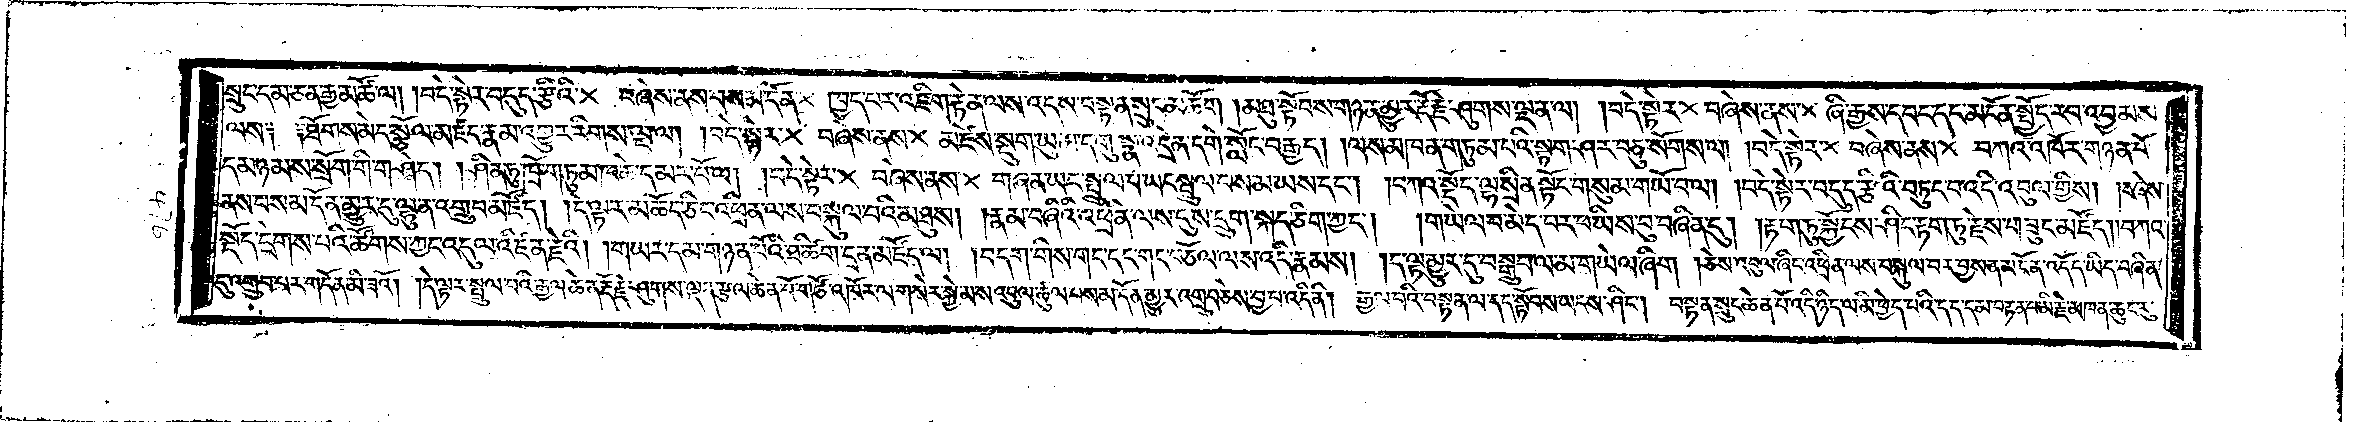སྲུང་དམ་ཅན་རྒྱ་མཚོ་ལ། །བདེ་སྟེར་བདུད་རྩིའི་྾་བཞེས་ནས་བསམ་དོན་྾་ཁྱད་པར་འཇིག་རྟེན་ལས་འདས་བསྟན་སྲུང་མཆོག །མཐུ་སྟོབས་གཉན་མྱུར་རྡོ་རྗེ་ཤུགས་ལྡན་ལ། །བདེ་སྟེར་྾་བཞེས་ནས་྾་ཞི་རྒྱས་དབང་དང་མངོན་སྤྱོད་རབ་འབྱམས་
ལས༑ ༑ཐོགས་མེད་སྩོལ་མཛད་རྣམ་འགྱུར་རིགས་ལྔ་ལ། །བདེ་སྟེར་྾་བཞེས་ནས་྾་མཛེས་སྡུག་ཡུམ་དགུ་སྣ་འདྲེན་དགེ་སློང་བརྒྱད། །ལས་མཁན་གཏུམ་པའི་སྟག་ཤར་བཅུ་སོགས་ལ། །བདེ་སྟེར་྾་བཞེས་ནས་྾་བཀའ་འཁོར་གཉན་པོ་
དམ་ཉམས་སྲོག་གི་གཤེད། །ཤིན་ཏུ་ཁྲོ་གཏུམ་ཁ་ཆེ་དམར་པོ་ལ། །བདེ་སྟེར་྾་བཞེས་ནས་྾་གཞན་ཡང་སྤྲུལ་པ་ཡང་སྤྲུལ་བསམ་ཡས་དང་། །བཀའ་སྟོད་ལྷ་སྲིན་སྟོང་གསུམ་གཡོ་བ་ལ། །བདེ་སྟེར་བདུད་རྩིའི་བཏུང་བ་འདི་འབུལ་གྱིས། །བཞེས་
ནས་བསམ་དོན་མྱུར་དུ་ལྷུན་འགྲུབ་མཛོད། །དེ་ལྟར་མཚོད་ཅིང་འཕྲིན་ལས་བསྐུལ་བའི་མཐུས། །རྣམ་བཞིའི་འཕྲིན་ལས་དུས་དྲུག་སྐད་ཅིག་ཀྱང་། །གཡེལ་བ་མེད་པར་བ་ཡིས་བུ་བཞིན་དུ། །རྟག་ཏུ་སྐྱོངས་ཤིང་རྟག་ཏུ་རྗེས་གཟུང་མཛོད། །བཀའ་
སྡོད་དྲེགས་པའི་ཚོགས་ཀྱང་འདུལ་འཛིན་རྗེའི། །གཡར་དམ་གཉན་པོའི་ཐ་ཚིག་དྲན་མཛོད་ལ། །བདག་གིས་གང་དང་གང་བཅོལ་ལས་འདི་རྣམས། །ད་ལྟ་མྱུར་དུ་བསྒྲུབ་ལ་མ་གཡེལ་ཞིག །ཅེས་འབུལ་ཞིང་འཕྲིན་ལས་བསྐུལ་བར་བྱས་ན་མངོན་འདོད་ཡིད་བཞིན་
དུ་འགྲུབ་པར་གདོན་མི་ཟའོ། །དེ་ལྟར་སྤྲུལ་པའི་རྒྱལ་ཆེན་རྡོ་རྗེ་ཤུགས་ལྡན་རྩལ་ཆེན་པོ་གཙོ་འཁོར་ལ་གསེར་སྐྱེམས་འབུལ་ཚུལ་བསམ་དོན་མྱུར་འགྲུབ་ཅེས་བྱ་བ་འདི་ནི། རྒྱལ་བའི་བསྟན་ལ་དད་སྟོབས་ཡངས་ཤིང་། བསྟན་སྲུང་ཆེན་པོ་འདི་ཉིད་ལ་མི་ཕྱེད་པའི་དད་དམ་བརྟན་པ་མི་རྗེ་མཁན་ཆུང་རུ་